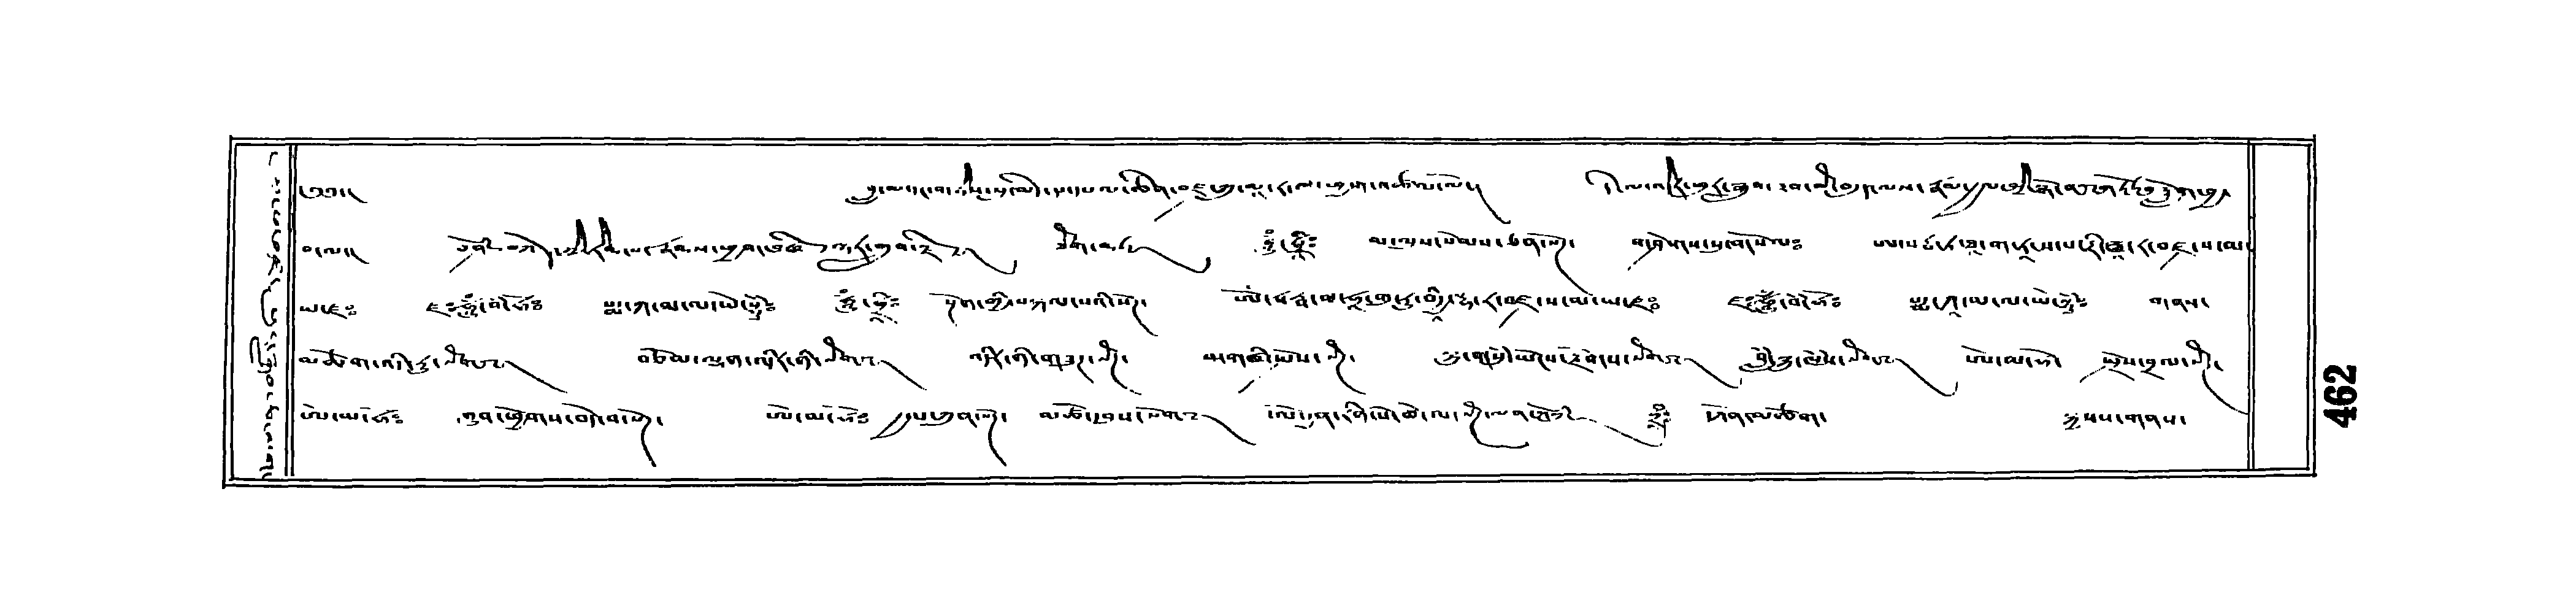བླ་མ་དང་གཉིས་སུ་མེད་པ་དཔལ་ཆེན་བཛྲ་ཀུ་མཱ་ར་ལ་ཕྱག་འཚལ་ལོ། དེ་ལ་འདིར་ཕུར་སྒྲུབ་ཟབ་མོ་བདུད་ལས་རྣམ་རྒྱལ་གྱི་སྒོ་ནས་གཏོར་བཟློག་བྱ་
བ་ལ། བཤམས་བཀོད་ཀྱི་རིམ་པ་རྣམས་ཕྱག་བཞེས་ལྟར་གྲུབ་རྗེས། ཐོག་མར། ཧཱུྃ་ཧྲཱིཿ མ་ལུས་སེམས་ཅན་སོགས། གཤེགས་སུ་གསོལ། ཨ་སརྦ་ཏ་ཐཱ་ག་ཏཱ་ས་པ་རི་ཝཱ་ར་བཛྲ་ས་མ་
ཡ་ཛཿ ཛཿཧཱུྃ་བཾ་ཧོཿ པདྨ་ཀ་མ་ལ་ཡེ་སྟྭཾཿ ཧཱུྃ་ཧྲཱིཿ སྔོན་གྱི་བསྐལ་པའི་སོགས། ཨོཾ་ས་རྦ་མ་ཧཱ་གུ་རུ་བིདྱཱ་དྷ་ར་བཛྲ་ས་མ་ཡ་ཛཿ ཛཿཧཱུྃ་བཾ་ཧོཿ པདྨ་ཀཱ་མ་ལ་ཡེ་སྟྭཾཿ གནས་
མཆོག་འདི་རུ་སོགས། བཅོམ་ལྡན་འདིར་ནི་སོགས། འདིར་ནི་གཟུགས་སོགས། ས་གཞི་སྤོས་སོགས། སྐུ་གསུམ་ཡོངས་རྫོགས་སོགས། བླ་མ་སྐུ་ཁམས་སོགས། ཨེ་མ་ཧོཿ སྤྲོས་བྲལ་སོགས། 
ཨེ་མ་ཧོཿ ནུབ་ཕྱོགས་བདེ་བ་སོགས། ཨེ་མ་ཧོཿ རྒྱལ་ཀུན་སོགས། མཚོ་དབུས་སོགས། ཨོ་རྒྱན་རིན་པོ་ཆེ་ལ་སོགས་ལན་གསུམ། ཧྲཱི༔ དཀོན་མཆོག་སྐྱབས་གནས།